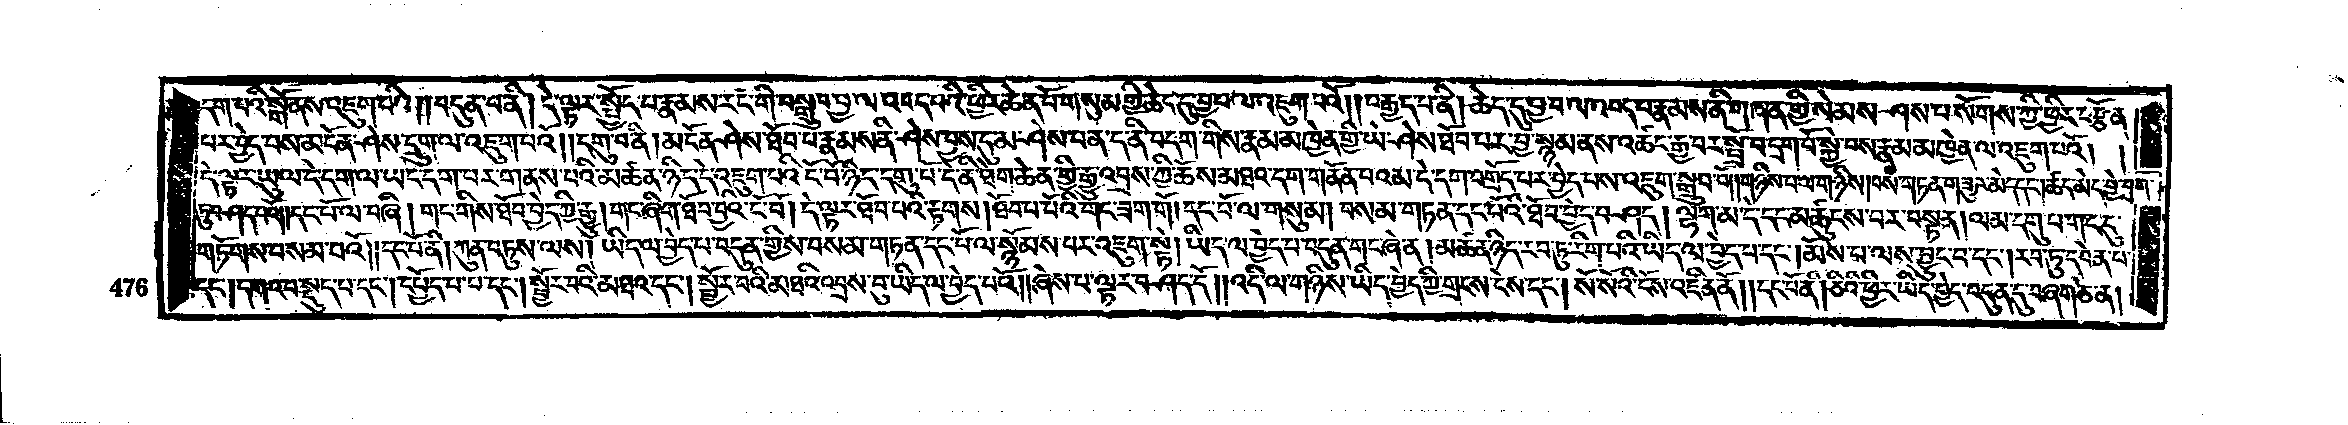དག་པའི་སྒོ་ནས་འཇུག་པའོ། །བདུན་པ་ནི། དེ་ལྟར་སྤྱོད་པ་རྣམས་རང་གི་བསྒྲུབ་བྱ་ལ་འབད་པའི་ཕྱིར་ཆེན་པོ་གསུམ་གྱི་ཆེད་དུ་བྱ་བ་ལ་འཇུག་པའོ། །བརྒྱད་པ་ནི། ཆེད་དུ་བྱ་བ་ལ་འབད་པ་རྣམས་ནི་གཞན་གྱི་སེམས་ཤས་པ་སོགས་ཀྱི་ཕྱིར་བརྩོན་
པར་བྱེད་པས་མངོན་ཤེས་དྲུག་ལ་འཇུག་པའོ། །དགུ་པ་ནི། མངོན་ཤེས་ཐོབ་པ་རྣམས་ནི་ཤེས་བྱས་དུ་མ་ཤེས་པ་ན་ད་ནི་བདག་གིས་རྣམ་མཁྱེན་གྱི་ཡེ་ཤེས་ཐོབ་པར་བྱ་སྙམ་ནས་འཚང་རྒྱ་བར་སྤྲོ་བ་དྲག་པོ་སྐྱེ་བས་རྣམ་མཁྱེན་ལ་འཇུག་པའོ། །
དེ་ལྟར་ཡུལ་དེ་དག་ལ་ཡང་དག་པར་གནས་པའི་མཚན་ཉིད་དེ་འཇུག་པའི་ངོ་བོ་ཉིད་དགུ་པོ་དེ་ནི་ཐེག་ཆེན་གྱི་རྒྱུ་འབྲས་ཀྱི་ཆོས་མཐའ་དག་གནོན་པའམ་དེ་དག་བཀྲོད་པར་བྱེད་པས་འཇུག་སྒྲུབ་བོ། །གཉིས་པ་ལ་གཉིས། བསམ་གཏན་གཟུགས་མེད་དང་། ཚད་མེད་བྱེ་བྲག་
ཏུ་བཤད་པའོ། །དང་པོ་ལ་བཞི། གང་གིས་ཐོབ་བྱེད་ཀྱི་རྒྱུ། གང་ཞིག་ཐོབ་བྱའི་ངོ་བོ། དེ་ལྟར་ཐོབ་པའི་རྟགས། ཐོབ་པ་པོའི་གང་ཟག་གོ །དང་པོ་ལ་གསུམ། བསམ་གཏན་དང་པོའི་ཐོབ་བྱེད་བཤད། ལྷག་མ་དེ་དང་མཚུངས་པར་བསྟན། ལམ་དགུ་པ་གང་དུ་
གཏོགས་བསམ་པའོ། །དང་པོ་ནི། ཀུན་བཏུས་ལས། ཡིད་ལ་བྱེད་པ་བདུན་གྱིས་བསམ་གཏན་དང་པོ་ལ་སྙོམས་པར་འཇུག་སྟེ། ཡིད་ལ་བྱེད་པ་བདུན་གང་ཞེ་ན། མཚན་ཉིད་རབ་ཏུ་རིག་པའི་ཡིད་ལ་བྱེད་པ་དང་། མོས་པ་ལས་བྱུང་བ་དང་། རབ་ཏུ་དབེན་པ་
དང་། དགའ་བ་སྡུད་པ་དང་། དཔྱོད་པ་པོ་དང་། སྦྱོར་བའི་མཐའ་དང་། སྦྱོར་བའི་མཐའི་འབྲས་བུ་ཡིད་ལ་བྱེད་པའོ། །ཞེས་པ་ལྟར་བཤད་དོ། །འདི་ལ་གཉིས་ཡིད་བྱེད་ཀྱི་གྲངས་ངེས་དང་། སོ་སོའི་ངོས་འཛིན་ནོ། །དང་པོ་ནི། ཅིའི་ཕྱིར་ཡིད་བྱེད་བདུན་དུ་བཞག་ཅེ་ན།